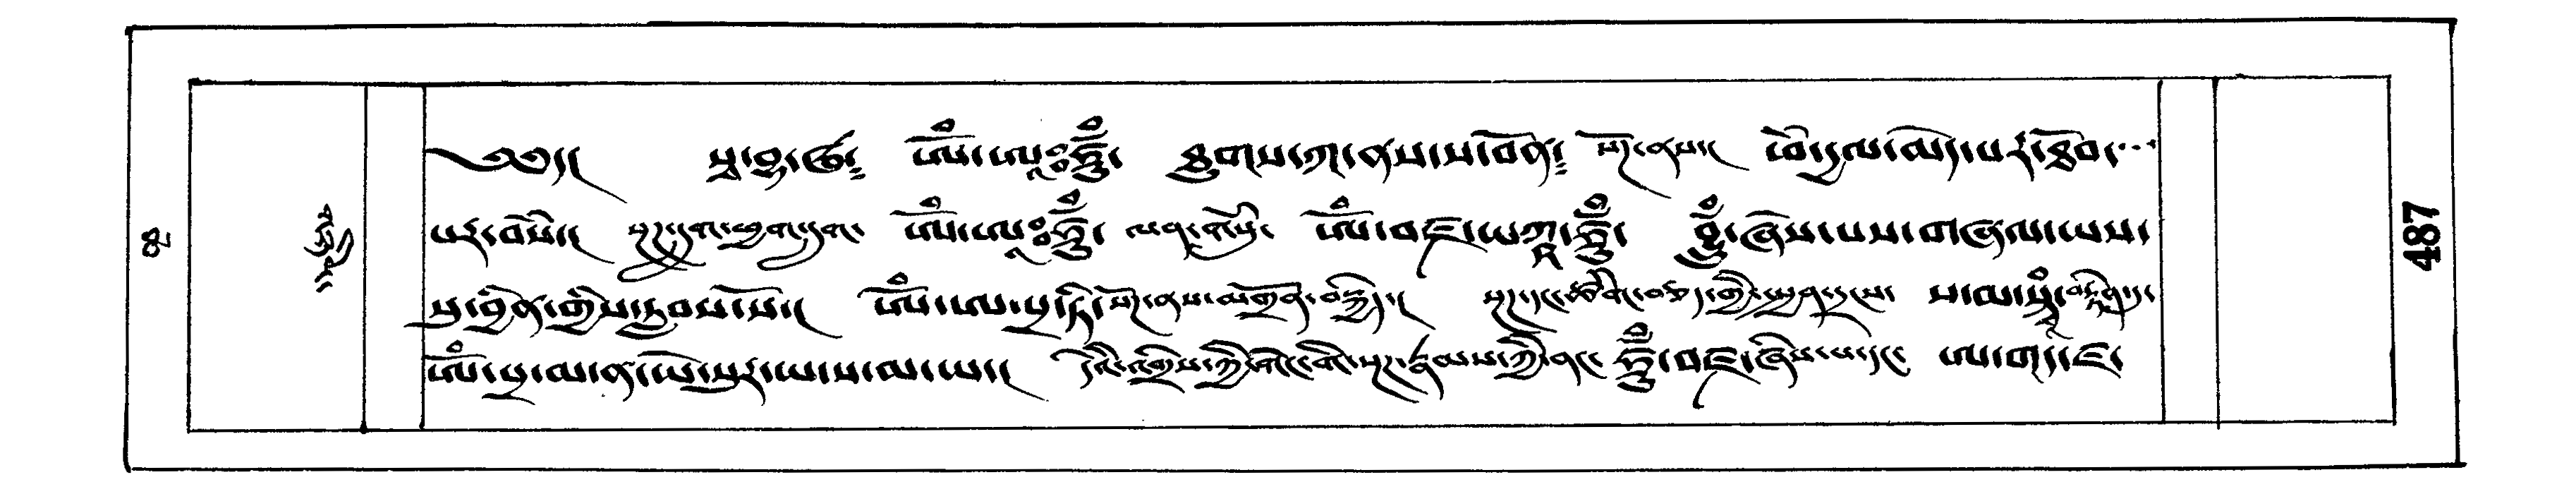སྭ་བྷ་ཝ༴ ཨོཾ་ཨཱཿཧཱུྃ། ཐུགས་ཀ་ནས་ས་བོན༴ སོགས་ནས། ཕམ་རྒྱལ་མེད་པར་ཐོབ་
པར་བསམ། སྔགས་དྲུག་ཕྱག་དྲུག ཨོཾ་ཨཱཿཧཱུྃ། ལན་གསུམ། ཨོཾ་བཛྲ་ཡཀྵ་ཧཱུྃ། བྷྲུྃ་ཞེས་པས་གཞལ་ཡས་
སུ་བྱིན་གྱིས་རླབས་སོ། ཨོཾ་ཨ་པྲ་ཏི༴ སོགས་ནས་མགྲོན་བསྐྱེད། སྔགས་དང་ཚིགས་བཅད་ཀྱི་སྤྱན་དྲངས། ས་མ་སྟྭཾ། བརྟེན་དུ། 
ཨོཾ་པྲ་མ་ན་ཡེ་སུརྻ་ས་མ་ཡ། དེའི་འགྲེས་ཀྱི་གོང་གི་སྔགས་རྣམས་ཀྱི་ནང་།ཧཱུྃ་བཛྲ༴ ཞེས་པ་དང་། ཨ་གད་ཛ༴